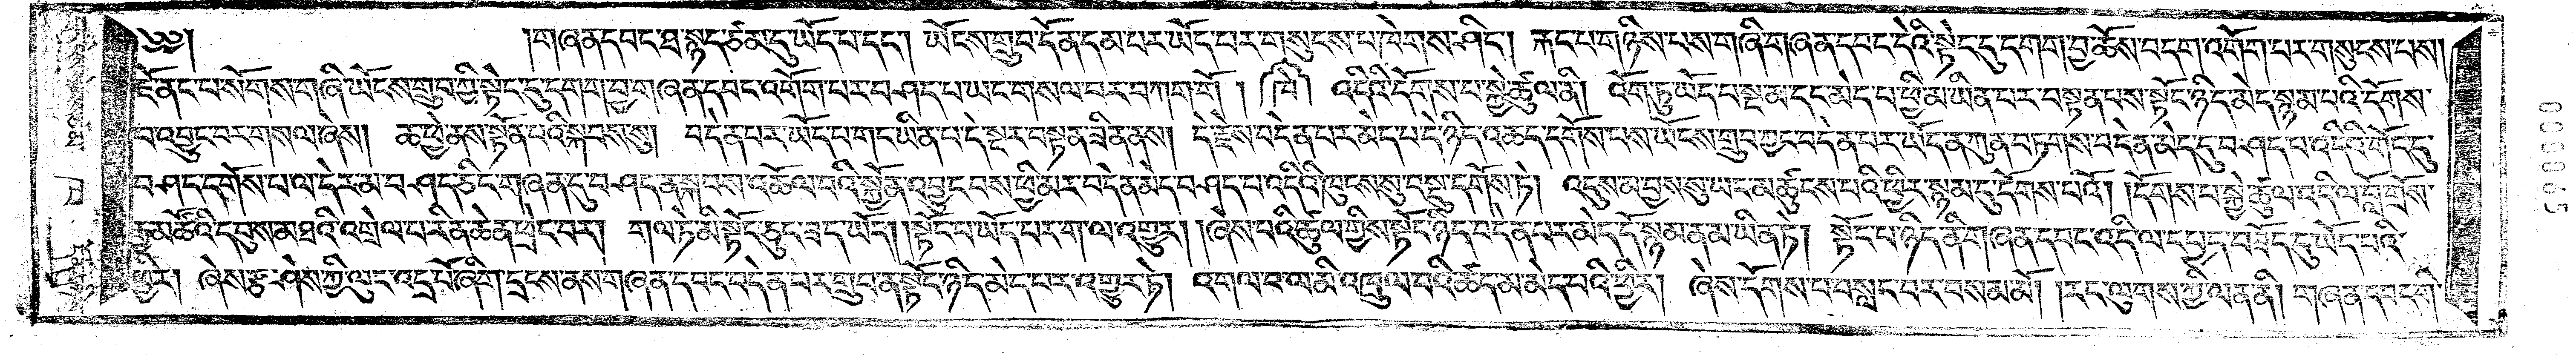༄༅། །གཞན་དབང་ཐ་སྙད་ཙམ་དུ་ཡོད་པ་དང་། ཡོངས་གྲུབ་དོན་དམ་པར་ཡོད་པར་གསུངས་པ་ཁེགས་ཤིང་། རྐང་པ་གཉིས་པས་གཞི་གཞན་དབང་དེའི་སྟེང་དུ་དགག་བྱ་ཆོས་བདག་འགོག་པར་གསུངས་པར་
ཇོ་ནང་པ་སོགས་གཞི་ཡོངས་གྲུབ་ཀྱི་སྟེང་དུ་དགག་བྱ་གཞན་དབང་འགོག་པར་བཤད་པ་ཡང་གསལ་བར་བཀག་གོ། ༼ཁེ༽ འདིའི་དོགས་པ་སྐྱེ་ཚུལ་ནི། འོག་ཏུ་ཡོད་པ་སྔ་མ་དང་མེད་པ་ཕྱི་མ་ཡིན་པར་བསྟན་པས་སྟོང་ཉིད་མེད་སྙམ་པའི་དོགས་
པ་འབྱུང་བར་གསལ་ཞེས། ཆ་ཕྱེ་ནས་སྟོན་པའི་སྐབས་སུ། བདེན་པར་ཡོད་པ་གང་ཡིན་པ་དེ་སྔར་བསྟན་ཟིན་ནས། དེ་རྗེས་བདེན་པར་མེད་པ་དེ་ཉིད་འཆད་དགོས་པས་ཡོངས་གྲུབ་ཀྱང་བདེན་པར་ཡོད་ན་ཀུན་བཏགས་བདེན་མེད་དུ་བཤད་པ་འདིའི་གོང་དུ་
བཤད་དགོས་པ་ལ་དེར་མ་བཤད་ཅིང་གཞན་དུ་བཤད་ན་སྐབས་འཆོལ་བའི་སྐྱོན་འབྱུང་བས་ཕྱི་མར་བདེན་མེད་བཤད་པ་འདིའི་ཁུངས་སུ་བསྡུ་དགོས་ཏེ། འདུས་མ་བྱས་སུ་ཡང་མཚུངས་པའི་ཕྱིར་སྙམ་དུ་དོགས་པའོ། །དོགས་པ་སྐྱེ་ཚུལ་འདི་ལ་བློ་གྲོས་
རྒྱ་མཚོའི་དབུས་མཐའི་འགྲེལ་པ་རིན་ཆེན་ཕྲེང་བར། གལ་ཏེ་མི་སྟོང་ཅུང་ཟད་ཡོད། །སྟོང་པ་ཡོད་པར་ག་ལ་འགྱུར། །ཞེས་པའི་ཚུལ་གྱིས་སྟོང་ཉིད་བདེན་པར་མེད་དོ་སྙམ་ན་མ་ཡིན་ཏེ། སྟོང་པ་ཉིད་ནི་གཞན་དབང་འདི་ལ་དཔྱད་བཟོད་དུ་ཡོད་པའི་
ཕྱིར། ཞེས་རྩ་ཤེས་ཀྱི་ལུང་འདྲ་པོ་ཞིག་དྲངས་ནས་གཞན་དབང་བདེན་པར་གྲུབ་ན་སྟོང་ཉིད་མེད་པར་འགྱུར་ཏེ། འགལ་བ་ལ་མི་འཁྲུལ་པའི་ཚད་མ་མེད་པའི་ཕྱིར། ཞེས་དོགས་པ་བསླང་བར་བསམ་མོ། །རང་ལུགས་ཀྱི་ལན་ནི། གཞན་དབང་གི་